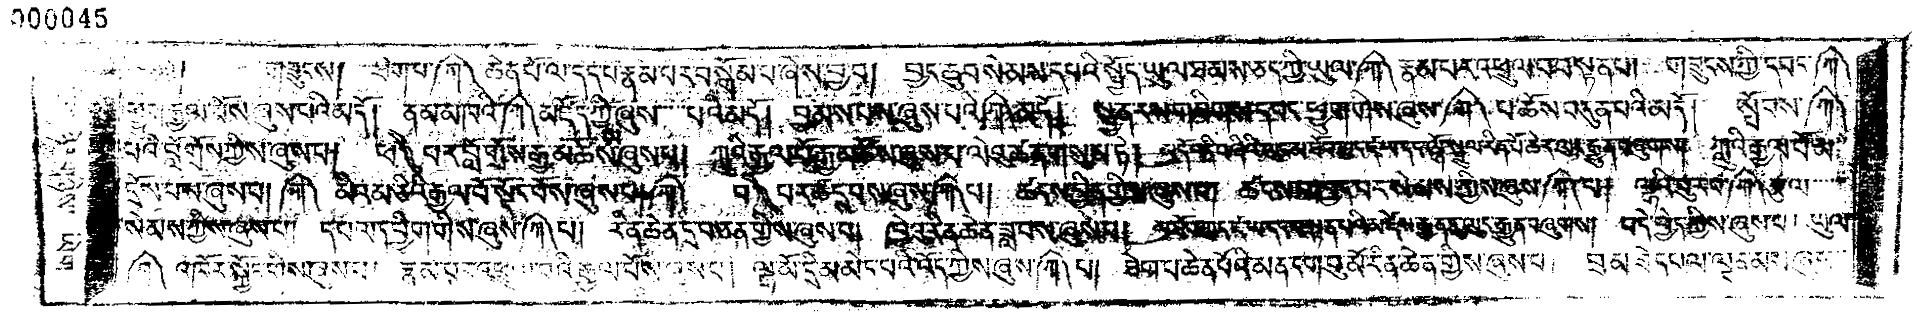༄༅། །གཟུངས། ཐེག་པ ༼ཀ༽ ཆེན་པོ་ལ་དད་པ་རྣམ་པར་བསྒོམ་པ་ཞེས་བྱ་བ། བྱང་ཆུབ་སེམས་དཔའི་སྤྱོད་ཡུལ་ཐམས་ཅད་ཀྱི་ཡུལ ༼ཀ༽ རྣམ་པར་འཕྲུལ་བ་བསྟན་པ། གཟུངས་ཀྱི་དབང ༼ཀ༽
ཕྱུག་རྒྱལ་པོས་ཞུས་པའི་མདོ། ནམ་མཁའི ༼ཀ༽ མཛོད་ཀྱིས་ཞུས་པའི་མདོ། བྱམས་པས་ཞུས་པའི ༼ཀ༽ མདོ། སྤྱན་རས་གཟིགས་དབང་ཕྱུག་གིས་ཞུས ༼ཀ༽ པ་ཆོས་བདུན་པའི་མདོ། སྤོབས ༼ཀ༽
པའི་བློ་གྲོས་ཀྱིས་ཞུས་པ། ཕ༼༽ པར་བློ་གྲོས་རྒྱ་མཚོས་ཞུས་པ། ཀླུའི་རྒྱལ་པོ་རྒྱ་མཚོས་ཞུས་པ་ལེའུ་ཚན་གསུམ་ཏེ་མདོ་འདི་བཞིའི་ལུང་མ་ཐོབ་ཀྱང་ཛ་ཡ་དང་ལྷོ་སྤྲུལ་རིན་པོ་ཆེར་ལུང་རྒྱུན་བཞུགས།  ཀླུའི་རྒྱལ་པོ་མ་
དྲོས་པས་ཞུས་པ། ༼ཀ༽ མིའམ་ཅིའི་རྒྱལ་པོ་སྡོང་བོས་ཞུས་པ། ༼ཀ༽ བ༼༽ པར་ཚངས་པས་ཞུས ༼ཀ༽ པ། ཚངས་བྱིན་གྱིས་ཞུས་པ། ཚངས་པ་ཁྱད་པར་སེམས་ཀྱིས་ཞུས ༼ཀ༽ པ། ལྷའི་བུ་རབ ༼ཀ༽ རྩལ་
སེམས་ཀྱིས་ཞུས་པ། དཔལ་དབྱིག་གིས་ཞུས ༼ཀ༽ པ། རིན་ཆེན་དྲ་བ་ཅན་གྱིས་ཞུས་པ། ཁྱེའུ་རིན་ཆེན་ཟླ་བས་ཞུས་པ་མ་ཐོབ་ཀྱང་ཛ་ཡ་དད་བསྟན་པའི་མཛེས་རྒྱན་དུ་ལུང་རྒྱུན་བཞུགས།  བདེ་བྱེད་ཀྱིས་ཞུས་པ། ཡུལ་
༼ཀ༽ འཁོར་སྐྱོང་གིས་ཞུས་པ། རྣམ་པར་འཕྲུལ་བའི་རྒྱལ་པོས་ཞུས་པ། ལྷ་མོ་དྲི་མ་མེད་པའི་འོད་ཀྱིས་ཞུས ༼ཀ༽ པ། ཐེག་པ་ཆེན་པོའི་མན་ངག་བུ་མོ་རིན་ཆེན་གྱིས་ཞུས་པ། བྲམ་ཟེ་དཔལ་ལྡན་མས་ཞུས་